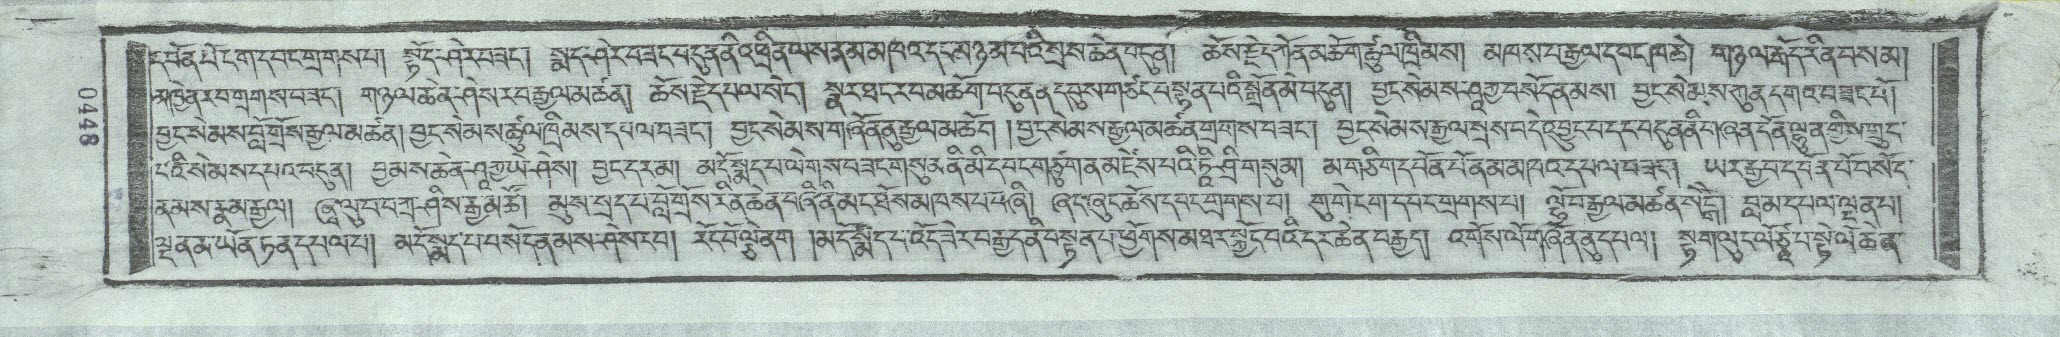དབོན་པོ་ངག་དབང་གྲགས་པ། སྟོད་ཤེར་བཟང་། སྨད་ཤེར་བཟང་བདུན་ནི་འཕྲིན་ལས་ནམ་མཁའ་དང་མཉམ་པའི་སྲས་ཆེན་བདུན། ཆོས་རྗེ་དཀོན་མཆོག་ཚུལ་ཁྲིམས། མཁས་པ་རྒྱལ་དབང་ཁ་ཆེ། གཉལ་རྒོད་རིན་བསམ།
མཁྱེན་རབ་གྲགས་བཟང་། གཉལ་ཆེན་ཤེས་རབ་རྒྱལ་མཚན། ཆོས་རྗེ་དཔལ་སེང་། སྣར་ཐང་རབ་མཆོག་བདུན་ན་དབུས་གཙང་བསྟན་པའི་སྒྲོན་མེ་བདུན། བྱང་སེམས་ཤཱཀྱ་བསོད་ནམས། བྱང་སེམས་ཀུན་དགའ་བཟང་པོ།
བྱང་སེམས་བློ་གྲོས་རྒྱལ་མཚན། བྱང་སེམས་ཚུལ་ཁྲིམས་དཔལ་བཟང་། བྱང་སེམས་གཞོན་ནུ་རྒྱལ་མཆོང་། །བྱང་སེམས་རྒྱལ་མཚན་གྲགས་བཟང་། བྱང་སེམས་རྒྱལ་སྲས་བདེ་འབྱུང་བ་དང་བདུན་ནི་གཞན་དོན་ལྷུན་གྱིས་གྲུབ་
པའི་སེམས་དཔའ་བདུན། བྱམས་ཆེན་ཤཱཀྱ་ཡེ་ཤེས། བྱང་དར་མ། མདོ་སྨད་པ་ལེགས་བཟང་གསུམ་ནི་མི་དབང་གཙུག་ན་མཛེས་པའི་ཏཱི་ཤྲི་གསུམ། མ་གཅིག་དབོན་པོ་ནམ་མཁའ་དཔལ་བཟང་། ཡར་རྒྱབ་དབོན་པོ་བསོད་
ནམས་རྣམ་རྒྱལ། ཞྭ་ལུ་བ་བཀྲ་ཤིས་རྒྱ་མཚོ། མུས་སྲད་པ་བློ་གྲོས་རིན་ཆེན་བཞི་ནི་མང་ཐོས་མཁས་པ་བཞི། ཞང་ཞུང་ཆོས་དབང་གྲགས་པ། གུ་གེ་ངག་དབང་གྲགས་པ། ལྷོ་བརྒྱལ་མཚན་སེངྒེ། བླ་མ་དཔལ་ལྡན་པ།
ལྡན་མ་ཡོན་ཏན་དཔལ་པ། མདོ་སྨད་པ་བསོད་ནམས་ཤེས་རབ། རོང་བོ་ལྕེ་ནག །མདོ་སྨད་པ་འོད་ཟེར་བརྒྱད་ནི་བསྟན་པ་ཕྱོགས་མཐར་སྐྱོང་བའི་དར་ཆེན་བརྒྱད། འགོས་ལོ་གཞོན་ནུ་དཔལ། སྟག་ལུང་ལོ་ཙཱ་པ་སྟེ་ལོ་ཆེན་